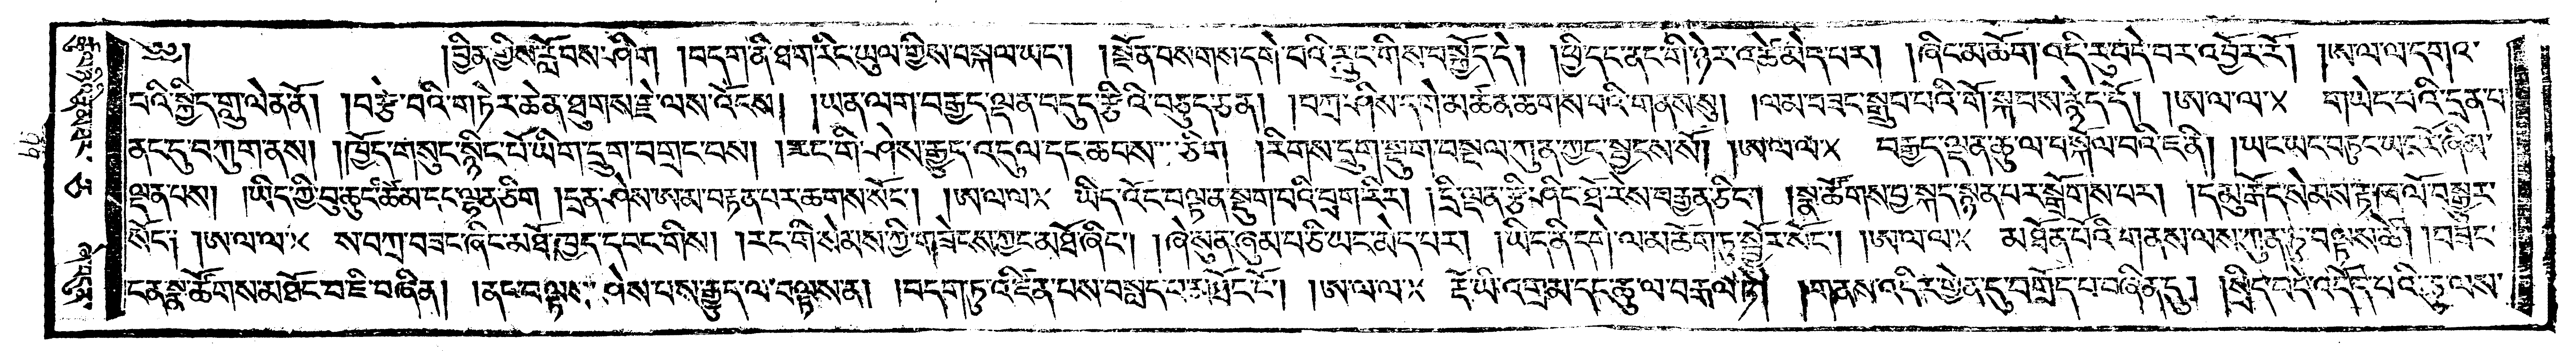༄༅། །བྱིན་གྱིས་རློབས་ཤིག །བདག་ནི་ཐག་རིང་ཡུལ་གྱིས་བསྐལ་ཡང་། །སྔོན་བསགས་དགེ་བའི་རླུང་གིས་བསྐྱོད་དེ། །ཕྱི་དང་ནང་གི་ཉེར་འཚེ་མེད་པར། །ཞིང་མཆོག་འདི་རུ་བདེ་བར་འབྱོར་རོ། །ཨ་ལ་ལ་དགའ་
བའི་སྐྱིད་གླུ་ལེན་ནོ། །བརྩེ་བའི་གཏེར་ཆེན་ཐུགས་རྗེ་ལས་འོངས། །ཡན་ལག་བརྒྱད་ལྡན་བདུད་རྩིའི་བཅུད་ཅན། བཀྲ་ཤིས་དགེ་མཚན་ཆགས་བའི་གནས་སུ། །ལམ་བཟང་སྒྲུབ་བའི་གོ་སྐབས་རྙེད་དོ། །ཨ་ལ་ལ་གཡེང་བའི་དྲན་པ་
ནང་དུ་བཀུག་ནས། །ཁྱོད་གསུང་སྙིང་པོ་ཡིག་དྲུག་བགྲང་བས། །རང་གི་ཤེས་རྒྱུད་འདུལ་དང་ཆབས་ཅིག །རིགས་དྲུག་སྡུག་བསྔལ་ཀུན་ཀྱང་སྦྱངས་སོ། །ཨ་ལ་ལ་྾་བརྒྱད་ལྡན་ཆུ་ལ་བསྐོལ་པའི་ཇ་ནི། །ཡང་ཡང་བཏུང་ཡང་རོ་ཞིམ་
ལྡན་པས། །ཡིད་ཀྱི་བུ་ཆུང་ཚིམ་དང་ལྡན་ཅིག །དྲན་ཤེས་ཨམ་བརྟན་པར་ཆགས་སོང་། །ཨ་ལ་ལ་྾་ཡིད་འོང་བལྟ་ན་སྡུག་པའི་བྲག་རིར། །དྲི་ལྡན་རྩི་ཤིང་ཐོ་རེས་བརྒྱན་ཅིང་། །སྣ་ཚོགས་བྱ་སྐད་སྙན་པར་སྒྲོགས་པར། །དམུ་རྒོད་སེམས་རྟ་ཁ་ལོ་བསྒྱུར་
སོང༑ །ཨ་ལ་ལ་྾་ས་བཀྲ་བཟང་ཞིང་མཐོ་ཁྱད་དབང་གིས། །རང་གི་སེམས་ཀྱི་གཟེངས་ཀྱང་མཐོ་ཞིང་། །ཞེ་སུན་ཞུམ་པ་ཅི་ཡང་མེད་པར། །ཡིད་ནི་དགེ་ལམ་ཆོག་ཏུ་སྦྱོར་སོང་། །ཨ་ལ་ལ་྾་མཐོན་པོའི་གནས་ལས་ཀུན་ཏུ་བལྟས་ཚེ། །བཟང་
ངན་སྣ་ཚོགས་མཐོང་བ་ཇི་བཞིན། །ནང་བལྟས་ཤེས་པས་རྒྱུད་ལ་བལྟས་ན། །བདག་ཏུ་འཛིན་པས་བསླད་པ་མཐོང་ངོ། །ཨ་ལ་ལ་྾་རྡོ་ཡི་འགྲམ་དང་ཆུ་ལ་བརྒལ་ཏེ། །གནས་འདིར་གྱེན་དུ་འགྲོད་པ་བཞིན་དུ། །སྲིད་བདེ་འདོད་པའི་ཆུ་ལས་